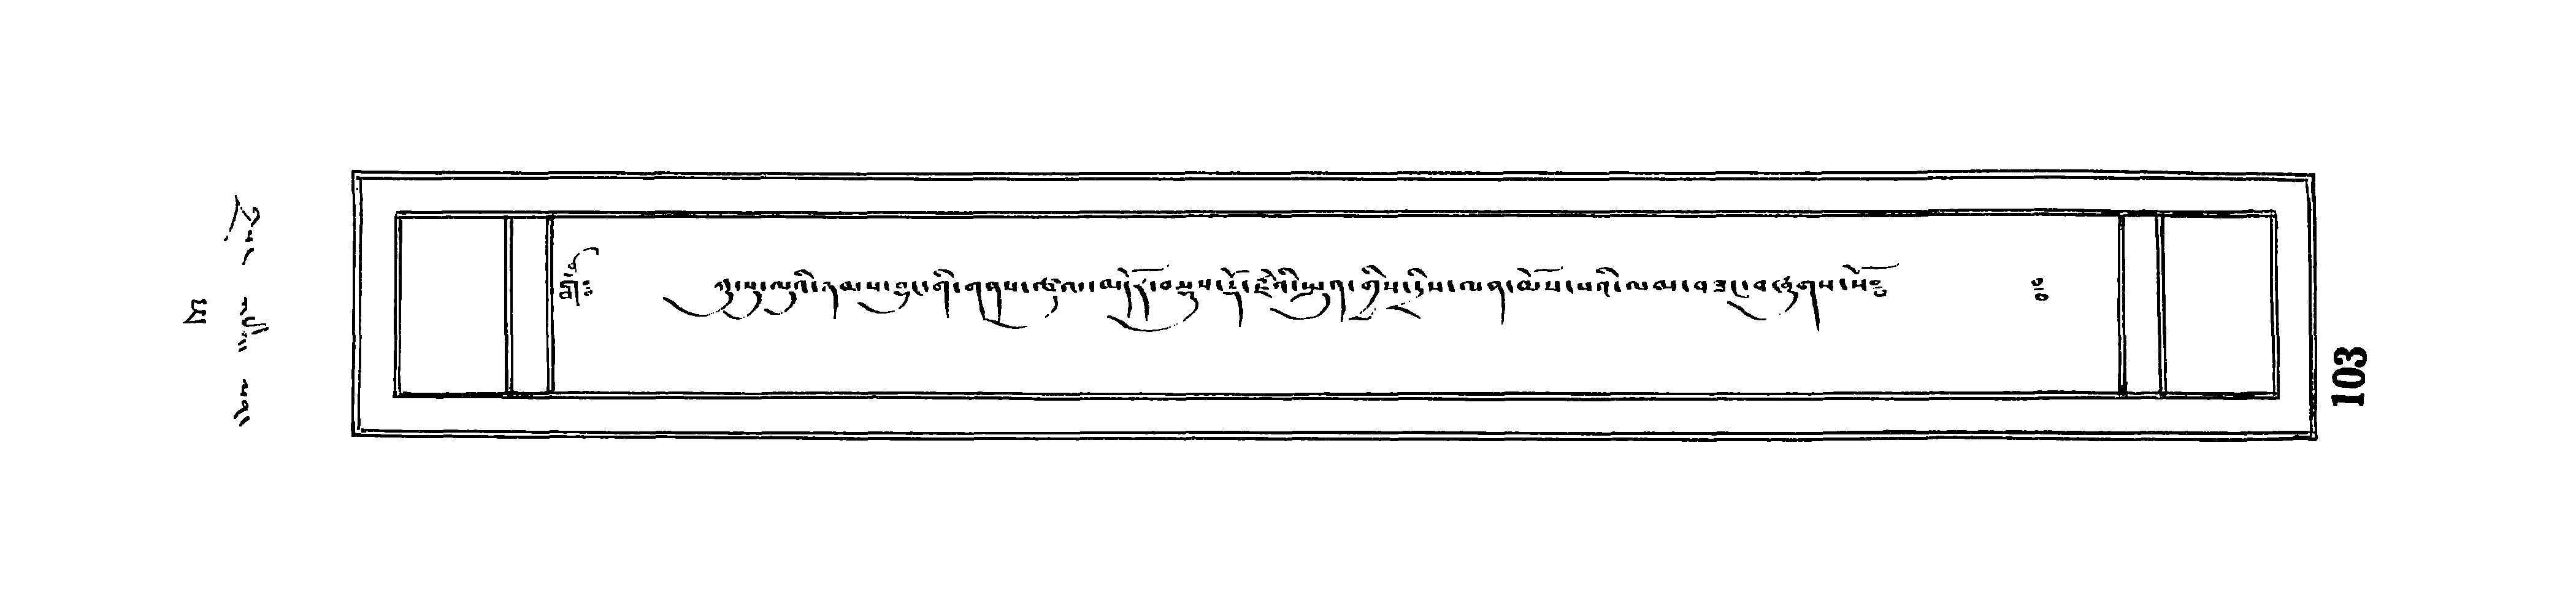ཀུ་སཱ་ལིའི་ཉམས་བྱུང་གི་གནས་ཚུལ་མདོར་བསྡུས་རྡོ་རྗེའི་སྤུན་གྱིས་དྲིས་ལན་མོས་པའི་ལམ་བཟང་བཞུགས་སོ༔